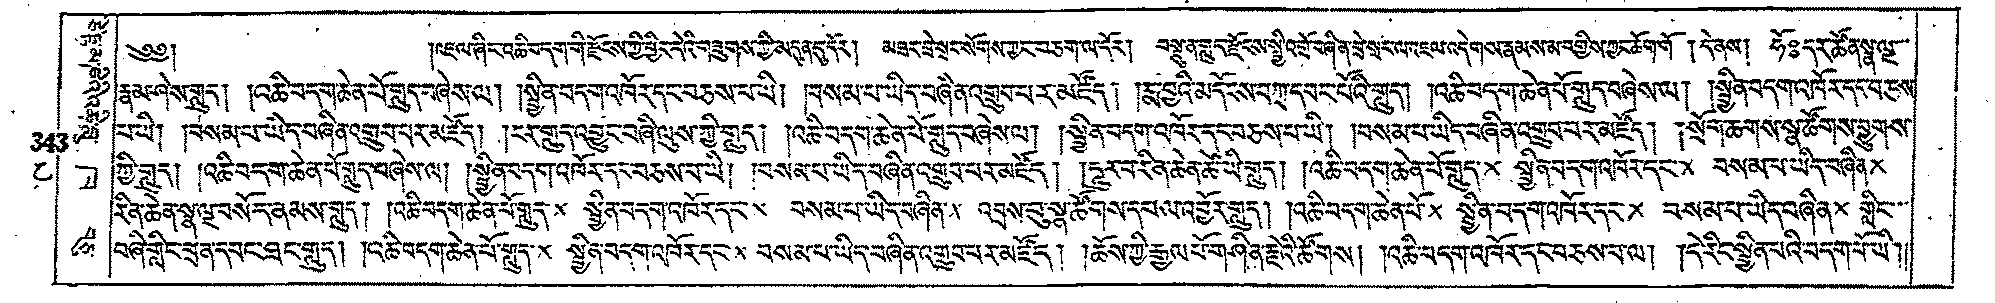༄༅། ། འཇལ་ཞིང་འཆི་བདག་གི་རྫོངས་ཀྱི་ཕྱིར་དེའི་གཟུགས་ཀྱི་མདུན་དུ་དོར། མཐར་བྲེ་སྲང་སོགས་ཀྱང་བཅག་ལ་དོར། བསྡུ་ན་གླུད་རྫོངས་སྤྱི་འགྲོ་བཞིན་བྲེ་སྲང་ལ་འཇལ་འདེགས་རྣམས་མ་འབྒྱིས་ཀྱང་ཆོག་གོ། །དེ་ནས། ཧོཿ དར་ཚོན་སྣ་ལྔ་
རྣམ་ཤེས་གླུད། །འཆི་བདག་ཆེན་པོ་གླུད་བཞེས་ལ། །སྦྱིན་བདག་འཁོར་དང་བཅས་པ་ཡི། །བསམ་པ་ཡིད་བཞིན་འགྲུབ་པར་མཛོད། །རྨ་བྱའི་མདོངས་བརྐ་དབང་པོའི་གླུད། །འཆི་བདག་ཆེན་པོ་གླུད་བཞེས་ལ། །སྦྱིན་བདག་འཁོར་དང་བཅས་
པ་ཡི། །བསམ་པ་ཡིད་བཞིན་འགྲུབ་པར་མཛོད། །ངར་གླུད་འབྱུང་བཞི་ལས་ཀྱི་གླུད། །འཆི་བདག་ཆེན་པོ་གླུད་བཞེས་ལ། །སྦྱིན་བདག་འཁོར་དང་བཅས་པ་ཡི། །བསམ་པ་ཡིད་བཞིན་འགྲུབ་པར་མཛོད། །སྲོག་ཆགས་སྣ་ཚོགས་ཕྱུགས་
ཀྱི་གླུད། །འཆི་བདག་ཆེན་པོ་གླུད་བཞེས་ལ། །སྦྱིན་བདག་འཁོར་དང་བཅས་པ་ཡི། །བསམ་པ་ཡིད་བཞིན་འགྲུབ་པར་མཛོད། །དཱུར་པ་རིན་ཆེན་ཚེ་ཡི་གླུད། །འཆི་བདག་ཆེན་པོ་གླུད་྾་སྦྱིན་བདག་འཁོར་དང་྾་བསམ་པ་ཡིད་བཞིན་྾་
རིན་ཆེན་སྣ་ལྔ་བསོད་ནམས་གླུད། །འཆི་བདག་ཆེན་པོ་གླུད་྾་སྦྱིན་བདག་འཁོར་དང་྾་བསམ་པ་ཡིད་བཞིན་྾་འབྲས་བུ་སྣ་ཚོགས་དཔལ་འབྱོར་གླུད། །འཆི་བདག་ཆེན་པོ་྾་སྦྱིན་བདག་འཁོར་དང་྾་བསམ་པ་ཡིད་བཞིན་྾་གླིང་་་
བཞི་གླིང་ཕྲན་དབང་ཐང་གླུད། །འཆི་བདག་ཆེན་པོ་གླུད་྾་སྦྱིན་བདག་འཁོར་དང་྾་བསམ་པ་ཡིད་བཞིན་འགྲུབ་པར་མཛོད། །ཆོས་ཀྱི་རྒྱལ་པོ་གཤིན་རྗེའི་ཚོགས། །འཆི་བདག་འཁོར་དང་བཅས་པ་ལ། །དེ་རིང་སྦྱིན་པའི་བདག་པོ་ཡི།།